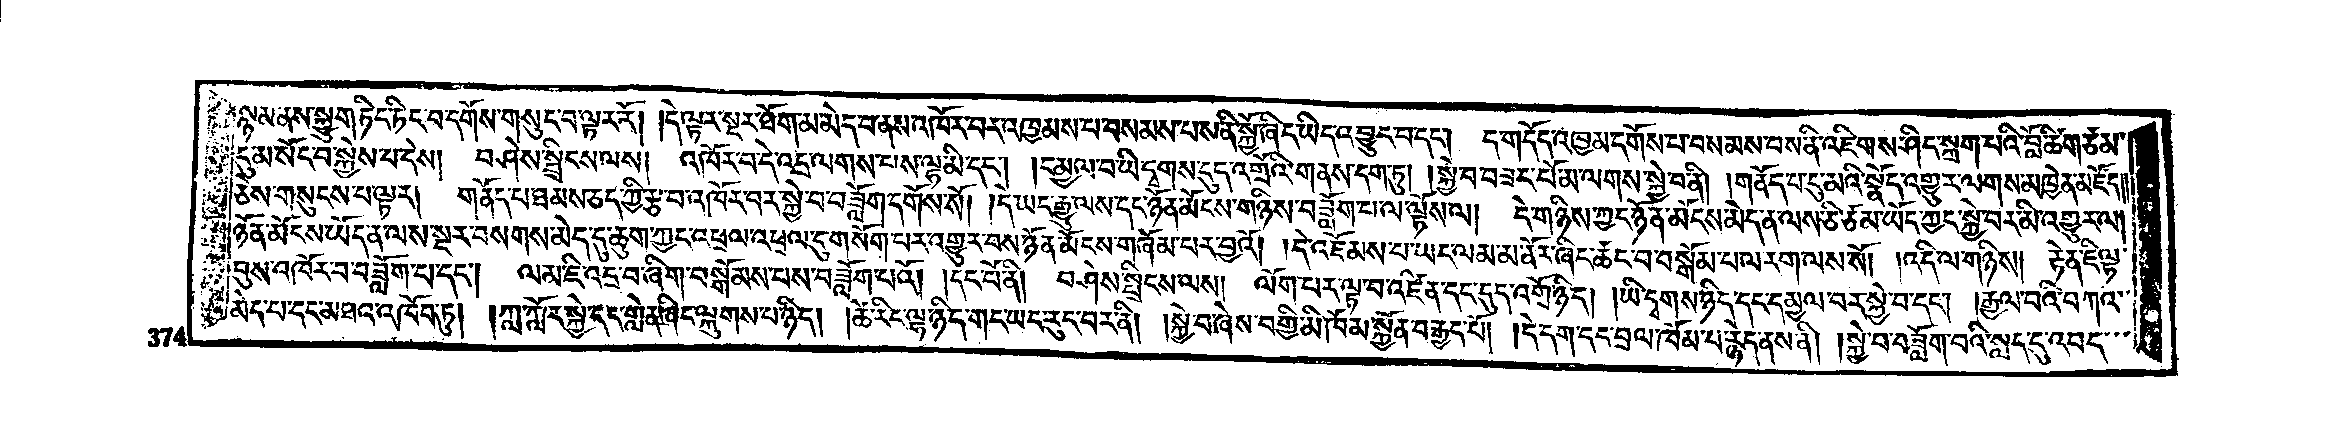སྙམ་ནས་སྐྱུག་ཏིང་ཏིང་བ་དགོས་གསུང་བ་ལྟར་རོ། །དེ་ལྟར་སྔར་ཐོག་མ་མེད་པ་ནས་འཁོར་བར་འཁྱམས་པ་བསམས་པས་ནི་སྐྱོ་ཞིང་ཡིད་འབྱུང་བ་དང་། ད་གདོད་འཁྱམ་དགོས་པ་བསམས་པས་ནི་འཇིགས་ཤིང་སྐྲག་པའི་བློ་ཚིག་ཙམ་
དུ་མ་སོང་བ་སྐྱེས་པ་དེས། བཤེས་སྤྲིངས་ལས། འཁོར་བ་དེ་འདྲ་ལགས་པས་ལྷ་མི་དང་། །དམྱལ་བ་ཡི་དྭགས་དུད་འགྲོའི་གནས་དག་ཏུ། །སྐྱེ་བ་བཟང་པོ་མ་ལགས་སྐྱེ་བ་ནི། །གནོད་པ་དུ་མའི་སྣོད་འགྱུར་ལགས་མཁྱེན་མཛོད། །
ཅེས་གསུངས་པ་ལྟར། གནོད་པ་ཐམས་ཅད་ཀྱི་རྩ་བ་འཁོར་བར་སྐྱེ་བ་བཟློག་དགོས་སོ། །དེ་ཡང་རྒྱུ་ལས་དང་ཉོན་མོངས་གཉིས་བཟློག་པ་ལ་ལྟོས་ལ། དེ་གཉིས་ཀྱང་ཉོན་མོངས་མེད་ན་ལས་ཅི་ཙམ་ཡོད་ཀྱང་སྐྱེ་བར་མི་འགྱུར་ལ།
ཉོན་མོངས་ཡོད་ན་ལས་སྔར་བསགས་མེད་དུ་ཆུག་ཀྱང་འཕྲལ་འཕྲལ་དུ་གསོག་པར་འགྱུར་བས་ཉོན་མོངས་གཞོམ་པར་བྱའོ། །དེ་འཇོམས་པ་ཡང་ལམ་མ་ནོར་ཞིང་ཚང་བ་བསྒོམ་པ་ལ་རག་ལས་སོ། །འདི་ལ་གཉིས། རྟེན་ཇི་ལྟ་
བུས་འཁོར་བ་བཟློག་པ་དང་། ལམ་ཇི་འདྲ་བ་ཞིག་བསྒོམས་པས་བཟློག་པའོ། །དང་པོ་ནི། བཤེས་སྤྲིངས་ལས། ལོག་པར་ལྟ་བ་འཛིན་དང་དུད་འགྲོ་ཉིད། །ཡི་དྭགས་ཉིད་དང་དམྱལ་བར་སྐྱེ་བ་དང་། །རྒྱལ་བའི་བཀའ་
མེད་པ་དང་མཐའ་འཁོབ་ཏུ། །ཀླ་ཀློར་སྐྱེ་དང་གླེན་ཞིང་ལྐུགས་པ་ཉིད། །ཚེ་རིང་ལྷ་ཉིད་གང་ཡང་རུང་བར་ནི། །སྐྱེ་བ་ཞེས་བགྱི་མི་ཁོམ་སྐྱོན་བརྒྱད་པོ། །དེ་དག་དང་བྲལ་ཁོམ་པ་རྙེད་ནས་ནི། །སྐྱེ་བ་བཟློག་པའི་སླད་དུ་འབད་